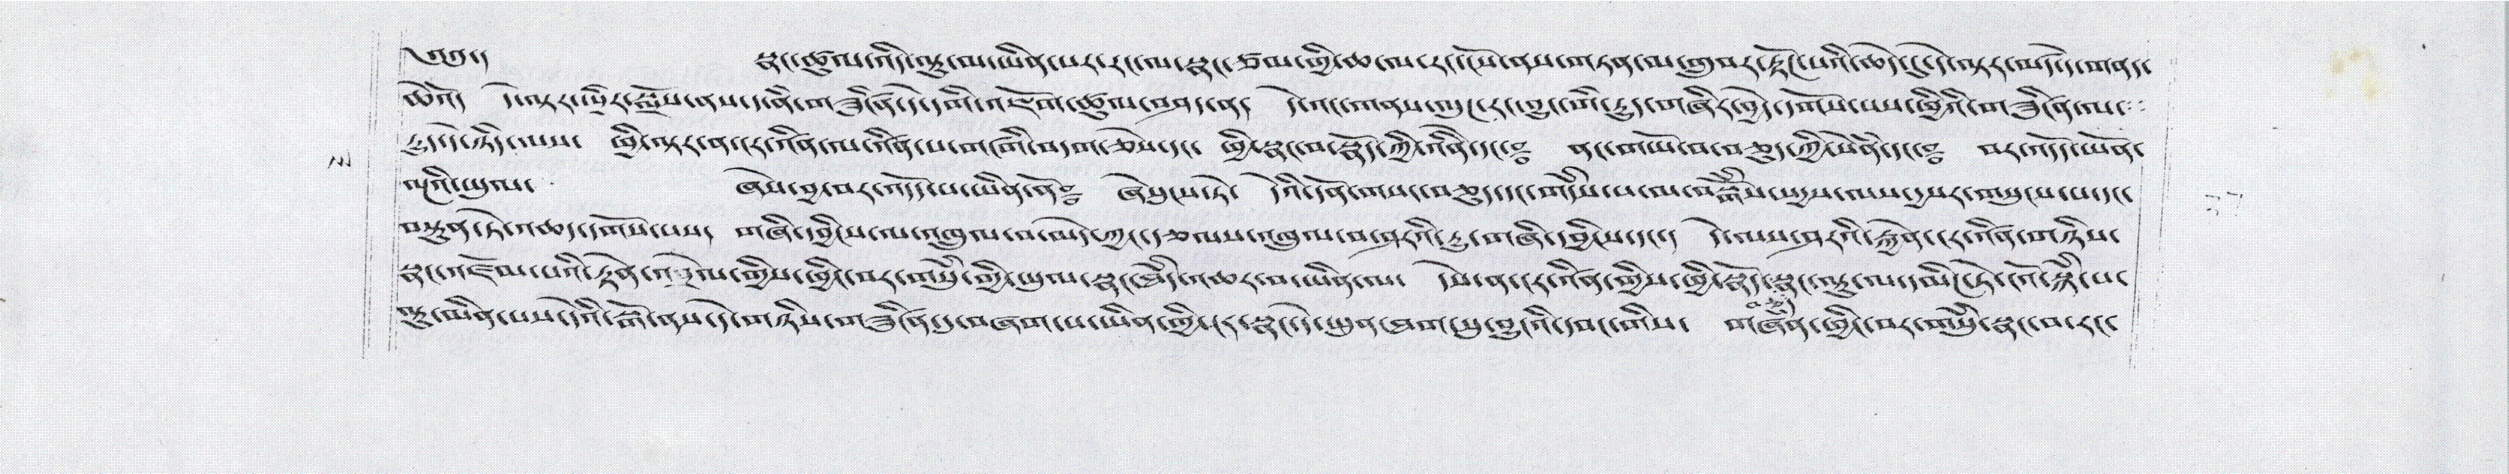སྣང་ཚུལ་འདི་ལྟ་བུ་མ་ཡིན་པར་རང་ལ་སྣང་ཙམ་གྱི་ཆ་ལ་རང་ངོས་ནས་གཏན་མ་གྲུབ་པར་རྟོགས་པའི་ཆེད་དུ་དེ་ལྟར་མཛད་དེ་གནད་
ཆེའོ། དེ་ལྟར་སྤྱིར་སྨྲོས་ནས་ད་ནི་གཟུང་འཛིན་དེ་དག་གི་འཇོག་ཚུལ་བཤད་ན། དེའང་གནས་ལུགས་རང་འབྱུང་གི་རྒྱུད་གཞིར་བྱེད་དགོས་པས་
ཕྱི་ཡི་གཟུང་འཛིན་ལ་དེ་ཉིད་ལས། ཕྱི་ལྟར་ན་ངར་འཛིན་ལ་འཛིན་པ་གང་ཟག་གི་བདག་ཅེས་དང་། ཕྱི་སྣང་བ་སྣོད་ཀྱི་འཇིག་རྟེན་དང་། ནང་གཡོ་བ་བཅུད་ཀྱི་སེམས་ཅན་དང་། བར་འདོད་ཡོན་
ལྔ་ཡི་ཡུལ། ཞེས་བྱ་བར་འདོད་པ་ཡིན་ནོ། ཞེས་གསུངས་ཏེ། དེའི་དོན་གསང་བཅུད་དང་གདམས་པ་མ་བསྒོམས་སངས་རྒྱས་ལས་སངས་རྒྱས་པར་གསུངས་པ་དང་
བསྟུན་ཏེ་འཆད་དགོས་པས། གཞི་དབྱིངས་ལ་འཁྲུལ་པ་མེད་ཀྱང་རྩལ་ལས་འཁྲུལ་པ་ཤར་བའི་རྒྱུ་གཞི་དབྱིངས་དང་། དེ་ལས་ཤར་བའི་རྐྱེན་ངར་འཛིན་གཉིས་
སྣང་འཛོམས་པའི་རྟེན་འབྲེལ་གྱིས་ཕྱི་ནང་བར་གསུམ་གྱི་ཡུལ་སྣང་ཐམས་ཅད་འཆར་བ་ཡིན་པས། དེས་ན་ངར་འཛིན་གྱིས་ཕྱི་སྣོད་བཅུད་སྣང་ལྟ་བུ་ལ་དམིགས་ཏེ་ངའོ་སྙམ་པ་
ལྟ་བུ་ཡིན་པས་དེའི་སྒོ་ནས་དེ་གཉིས་གཟུང་འཛིན་དུ་བཞག་པ་ངར་སྣང་དེ་སྤུན་ཐག་སུ་བྱུང་བའི་དབང་གིས། གཞན་ཕྱི་ནང་བར་གསུམ་སྣང་བ་རང་